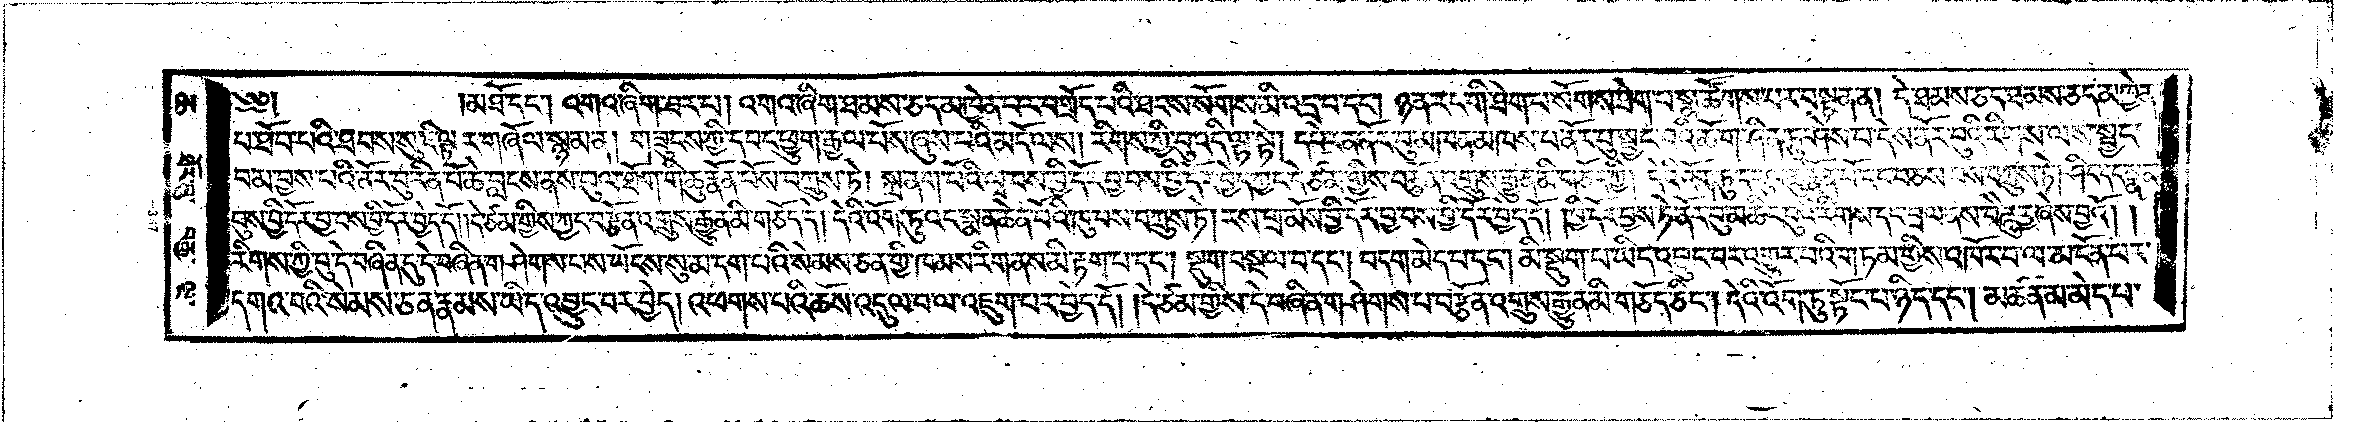༄༅། །མཐོ་དང་། འགའ་ཞིག་ཐར་པ། འགའ་ཞིག་ཐམས་ཅད་མཁྱེན་པར་བགྲོད་པའི་ཐབས་སོགས་མི་འདྲ་བ་དང་། ཉན་རང་གི་ཐེག་པ་སོགས་ཐེག་པ་སྣ་ཚོགས་པར་བསྟན་ན། དེ་ཐམས་ཅད་ཐམས་ཅད་མཁྱེན་
པ་ཐོབ་པའི་ཐབས་སུ་ཇི་ལྟར་གཞོལ་སྙམ་ན། གཟུངས་ཀྱི་དབང་ཕྱུག་རྒྱལ་པོས་ཞུས་པའི་མདོ་ལས། རིགས་ཀྱི་བུ་འདི་ལྟ་སྟེ། དཔེར་ན་ནོར་བུ་མཁན་མཁས་པ་ནོར་བུ་སྦྱང་པའི་ཆོ་གཤིན་ཏུ་ཤེས་པ་དེས་ནོར་པུའི་རིགས་ལས་སྦྱང་
བ་མ་བྱས་པའི་ནོར་བུ་རིན་པོ་ཆེ་བླངས་ནས་བུལ་ཐོག་གི་ཆུ་རྣོན་པོས་བཀྲུས་ཏེ། སྐྲ་ནག་པོའི་ལྭ་བས་བྱི་དོར་བྱ་པས་བྱི་དོར་བྱེད་ཀྱང་དེ་ཙམ་གྱིས་བརྩོན་འགྲུས་རྒྱུན་མི་གཅོད་ཀྱི། དེའི་འོག་ཏུ་དངུལ་ཆུ་རྣོན་པོ་དང་བཅས་པས་བཀྲུས་ཏེ། ཤིང་དང་སྣམ་
བུས་བྱི་དོར་བྱ་བས་བྱི་དོར་བྱེད་དོ། །དེ་ཙམ་གྱིས་ཀྱང་བརྩོན་འགྲུས་རྒྱུན་མི་གཅོད་དེ། དེའི་འོག་ཏུའང་སྨན་ཆེན་པོའི་ཁུ་བས་བཀྲུས་ཏེ། རས་ཕྲ་མོས་བྱི་དོར་བྱ་བས་བྱི་དོར་བྱེད་དོ། ཁྱི་དོར་བྱས་ཏེ་ནོར་བུ་མཆིང་བུའི་རིགས་དང་བྲལ་ནས་བཻཌཱུརྱ་ཞེས་བྱའོ། །
རིགས་ཀྱི་བུ་དེ་བཞིན་དུ་དེ་བཞིན་གཤེགས་པས་ཡོངས་སུ་མ་དག་པའི་སེམས་ཅན་གྱི་ཁམས་རིག་ནས་མི་རྟག་པ་དང་། སྡུག་བསྔལ་བ་དང་། བདག་མེད་པ་དང་། མི་སྡུག་པ་ཡིད་འབྱུང་བར་འགྱུར་བའི་གཏམ་གྱིས་འཁོར་བ་ལ་མངོན་ཕར་
དགའ་བའི་སེམས་ཅན་རྣམས་ཡིད་འབྱུང་བར་བྱེད། འཕགས་པའི་ཆོས་འདུལ་བ་ལ་འཇུག་པར་བྱེད་དོ། །དེ་ཙམ་གྱིས་དེ་བཞིན་གཤེགས་པ་བརྩོན་འགྲུས་རྒྱུན་མི་གཅོད་ཅིང་། དེའི་འོག་ཏུ་སྟོང་པ་ཉིད་དང་། མཚན་མ་མེད་པ་